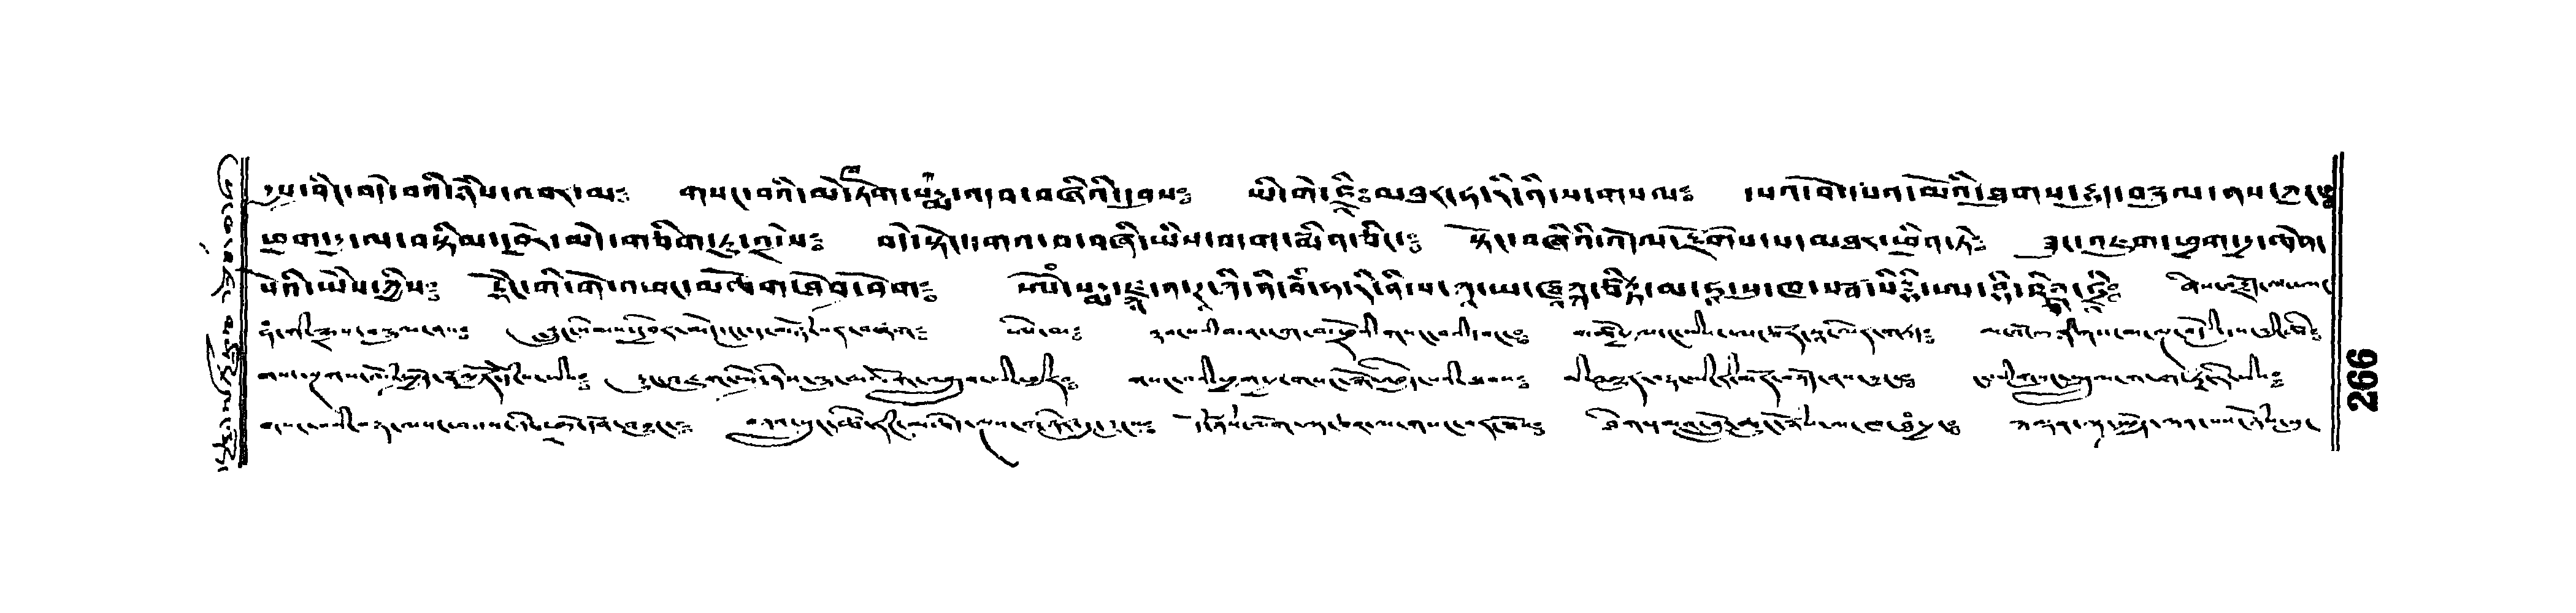རྒྱས་ཤིང་བདེ་བའི་ཉམས་འབར་མ༔ གསང་བའི་མེ་ཏོག་པདྨ་འདབ་བཞིའི་དབུས༔ ཡི་གེ་ཧྲཱིཿམཐར་ཧ་རི་ནི་ས་གསལ༔ དཔའ་བོ་དཔའ་མོའི་ཐུགས་རྒྱུད་བསྐུལ་ནས་ཀྱང༔ 
ཕྱག་རྒྱ་ལ་བསྟིམ་དབྱེར་མེད་གཅིག་ཏུ་འདྲེས༔ བདེ་སྟོང་དགའ་བ་བཞི་ཡིས་བདག་སྨིན་ཅིང༔ སྟོང་བཞིའི་འོད་གསལ་རྫོགས་པ་མཐར་ཕྱིན་ཏེ༔ ཟུང་འཇུག་ཕྱག་རྒྱ་ཆེན་
པོའི་ཡེ་ཤེས་ཀྱིས༔ རྡོ་རྗེ་འཆང་གི་གོ་འཕང་མཆོག་ཐོབ་ཤོག༔ ཨོཾ་པདྨ་ཛྙཱ་ན་ཌཱ་ཀི་ནི་བྃ་ཧ་རི་ནི་ས་ཀཱ་ཡ་ཝཱཀྐ་ཙིཏྟ་མ་ཧཱ་སུ་ཁ་སརྦ་སིདྡྷི་ཨ་བྷི་རིཉྩ་ཧྲཱིཿ ཞེས་བརྗོད་ལ་ཨ་
ཧཾ་གི་སྒྲས་བསྐུལ་ནས༔ རླུང་སེམས་དབྱེར་མེད་ངང་དུ་མཉམ་པར་བཞག༔ ཨེ་མ༔ ཟབ་པའི་མན་ངག་མཁའ་འགྲོའི་གསང་བའི་དབང༔ མཚོ་རྒྱལ་ང་ཡིས་ཨ་ཙར་སཱ་ལེར་གཏད༔ མ་འོངས་སྙིགས་མ་ལྔ་བདོའི་དུས་ཀྱི་ཚེ༔ 
གསང་སྔགས་ལམ་སྤྱོད་རྣལ་འབྱོར་དམ་པ་ཡིས༔ ཟུང་འཇུག་ཡེ་ཤེས་སྐུ་མཆོག་འགྲུབ་པའི་ཕྱིར༔ གསང་བའི་ཕྱག་རྒྱ་གསང་སྒོ་འབྱེད་པའི་ཐབས༔ མི་འགྱུར་བརྡ་ཡི་རི་མོར་བཀོད་ནས་ཀྱང༔ ང་ཡི་གསུང་སྤྲུལ་ག་ག་ཏཱ་རེ་ཡིས༔ 
གསང་བའི་བརྡ་ལས་ཕབས་ཏེ་འགྲོ་དོན་འབྱུང༔ བཀའ་སྲུང་ཚེ་རིང་མཆེད་ལྔས་གཉེར་དུ་ཟུངས༔ དམ་ཉམས་ལོག་ལྟ་ཅན་ལ་གསང་བར་སྦོས༔ ཐེག་དམན་བློ་ཆུང་རྣམས་ལ་ཁ་ཐཾ་རྒྱ༔ སྐལ་ལྡན་ལྟ་སྤྱོད་ལྡན་པས་ཉམས་སུ་